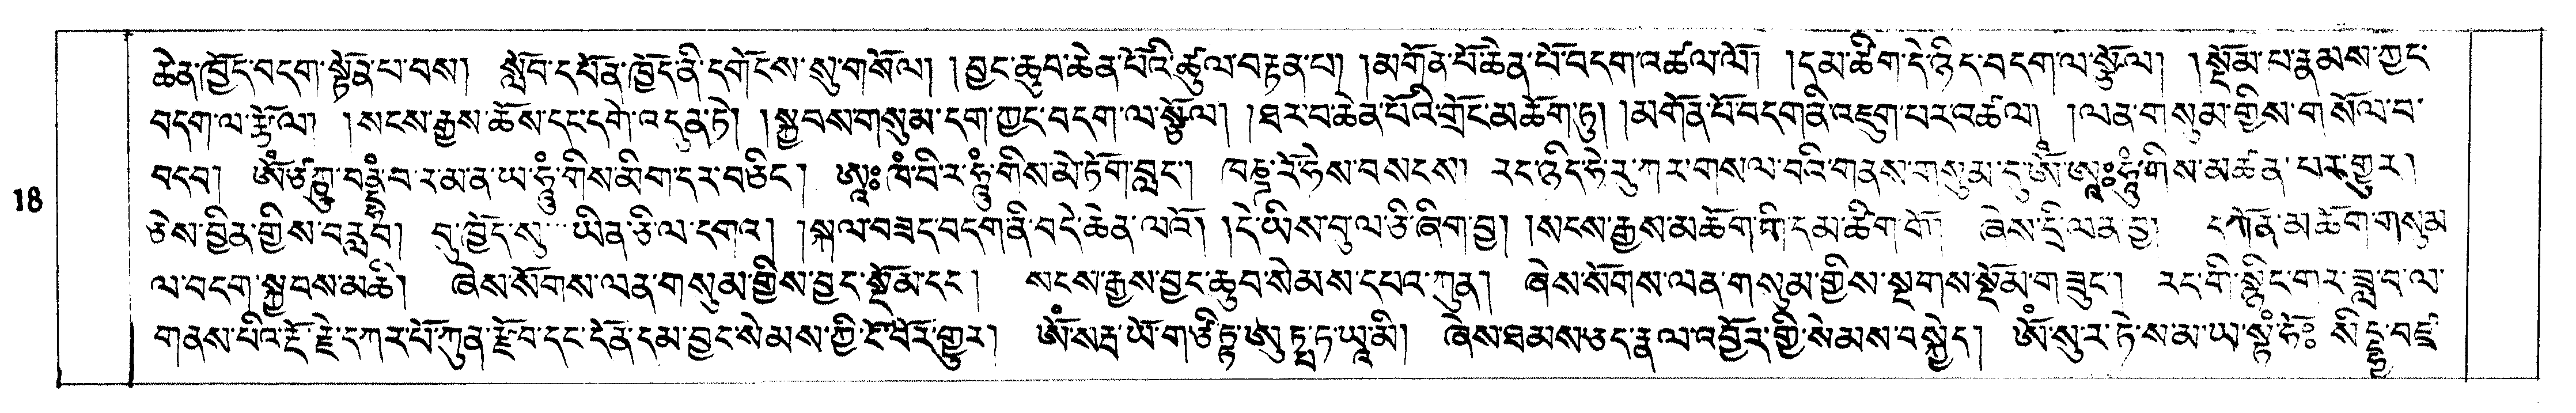ཆེན་ཁྱོད་བདག་སྟོན་པ་བས། སློབ་དཔོན་ཁྱོད་ནི་དགོངས་སུ་གསོལ། །བྱང་ཆུབ་ཆེན་པོའི་ཚུལ་བརྟན་པ། །མགོན་པོ་ཆེན་པོ་བདག་འཚལ་ལོ། །དམ་ཚིག་དེ་ཉིད་བདག་ལ་སྩོལ། །སྡོམ་པ་རྣམས་ཀྱང་
བདག་ལ་རྩོལ། །སངས་རྒྱས་ཆོས་དང་དགེ་འདུན་ཏེ། སྐྱབས་གསུམ་དག་ཀྱང་བདག་ལ་སྩོལ། །ཐར་བ་ཆེན་པོའི་གྲོང་མཆོག་ཏུ། །མགོན་པོ་བདག་ནི་འཇུག་པར་འཚལ། །ལན་གསུམ་གྱིས་གསོལ་བ་
བདབ། ཨོཾ་ཙཀྵུ་བནྡྷཾ་བ་ར་མ་ན་ཡ་ཧཱུཾ་གིས་མིག་དར་བཅིང་། ཨཱཿ ཁཾ་བི་ར་ཧཱུཾ་གིས་མེ་ཏོག་བླང་། ཁཎྜ་རོ་ཧེས་བསངས། རང་ཉིད་ཧེ་རུ་ཀར་གསལ་བའི་གནས་གསུམ་དུ་ཨོཾ་ཨཱཿ ཧཱུཾ་གིས་མཚན་པར་གྱུར།
ཅེས་བྱིན་གྱིས་བརླབ། བུ་ཁྱོད་སུ་ཡིན་ཅི་ལ་དགའ། །སྐལ་བཟང་བདག་ནི་བདེ་ཆེན་ལའོ། །དེ་ཡིས་བུ་ལ་ཅི་ཞིག་བྱ། །སངས་རྒྱས་མཆོག་གི་དམ་ཚིག་གོ། ཞེས་དྲི་ལན་བྱ། དཀོན་མཆོག་གསུམ་
ལ་བདག་སྐྱབས་མཆི། ཞེས་སོགས་ལན་གསུམ་གྱིས་བྱང་སྡོམ་དང་། སངས་རྒྱས་བྱང་ཆུབ་སེམས་དཔའ་ཀུན། ཞེས་སོགས་ལན་གསུམ་གྱིས་སྔགས་སྡོམ་གཟུང་། རང་གི་སྙིང་གར་ཟླ་བ་ལ་
གནས་པའི་རྡོ་རྗེ་དཀར་པོ་ཀུན་རྫོབ་དང་དོན་དམ་བྱང་སེམས་ཀྱི་ངོ་བོར་གྱུར། ཨོཾ་སརྦ་ཡོ་ག་རྩི་ཏྟ་ཨུཏྤ་ཏ་ཡཱ་མི། ཞེས་ཐམས་ཅད་རྣལ་འབྱོར་གྱི་སེམས་བསྐྱེད། ཨོཾ་སུ་ར་ཏེ་ས་མ་ཡ་སྟཾ་ཧོཿ སིདྡྷྱ་བཛྲ་